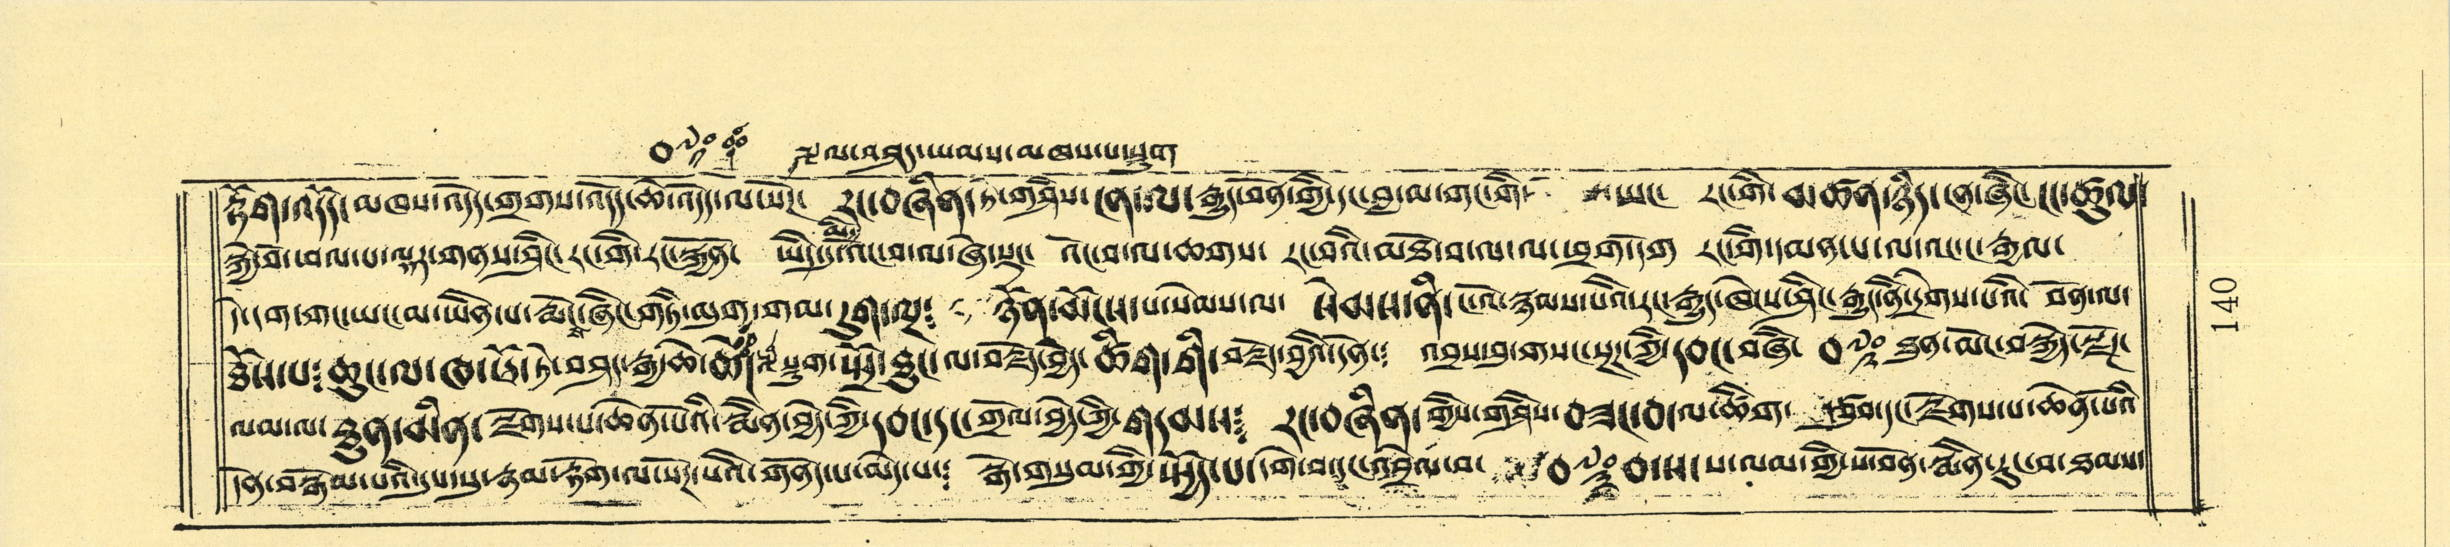༼རྟོག་འདོད༽མཁས་འདོད་གྲགས་འདོད་ཆེ་འདོད་ལ་སོགས་༼རང་བཞིན་ཏེ༽གཤིས་༼ངན༽ལ་རྒྱུད་བོན་གྱི་དང་བླ་མ་གང་གི་ཡང་རང་གི་༼མཚན་ཉིད༽ངན་ཞིང་ངང་ཚུལ་
སྐྱེ་བོ་ཕལ་པ་ལྟར་གནས་ཤིང་རང་གི་རང་སྐྱོན་ཡིད་དུ་མི་འོང་བ་ལ་ཞེ་སྡང་འོང་བ་ལ་འདོད་ཆགས་རང་གི་མཐོ་བ་ལ་ཕྲག་དོག་རང་གི་དམན་པ་ལ་ང་རྒྱལ་
དེ་དག་གང་ཡང་མ་ཡིན་པ་ལ་རྨོངས་ཤིང་གཏི་མུག་གམ་༼དུག་ལྔ་ཉོན་མོངས་པ༽སེམས་ལ་༼སེམས་ནི༽ངའོ་སྙམ་པའི་རང་རྒྱུད་ཁེངས་ཤིང་རྒྱུད་ནི་དྲེགས་པའི་བོན་ལ་
ཐོས་པ་ཆུང་ལ་ཁ་ཕོ་སྟེ་བཤད་རྒྱ་ཆེ་༼ཆེ༽བ༧༠།༡ལ་བཤད་ཡམ་མཁས་པ་སྡུག་ ༼སྤྲོ་ཐུང་༽ལ་རྗོད་བྱེད་༼ཚིག་གི༽བརྗོད་བྱའི་དོན་འབྲས་བུ་གསང་སྔགས་ཀྱི་དབང་བཞི་བ༧༠།༢ ཐུན་མོང་བསྐྱེད་རྫོགས་
ལམ་ལ་༼ཐུན་མིན༽རྫོགས་པ་ཆེན་པོའི་སྨིན་བྱེད་ཀྱི་༼དབང་༽དང་གྲོལ་བྱེད་ཀྱི་༼གདམས༽༼རང་བཞིན༽གྱིས་གཤིས་༼བཟང་བ༽ལ་ཚིག་རྩུབ་དང་རྫོགས་པ་ཆེན་པོའི་
དོན་བསྒོམ་པའི་དུས་སུ་རྣམ་རྟོག་ལ་སོགས་པའི་གནོད་པ་མེད་པ་སྒོ་གསུམ་གྱི་༼སྤྱོད་པ༽དགེ་བ་དང་འབྲེལ་བ་བ༧༠།༣ ༼བ་ས༽ས་ལམ་གྱི་ས་བོན་སྨིན་རུང་བ་ཐམས་